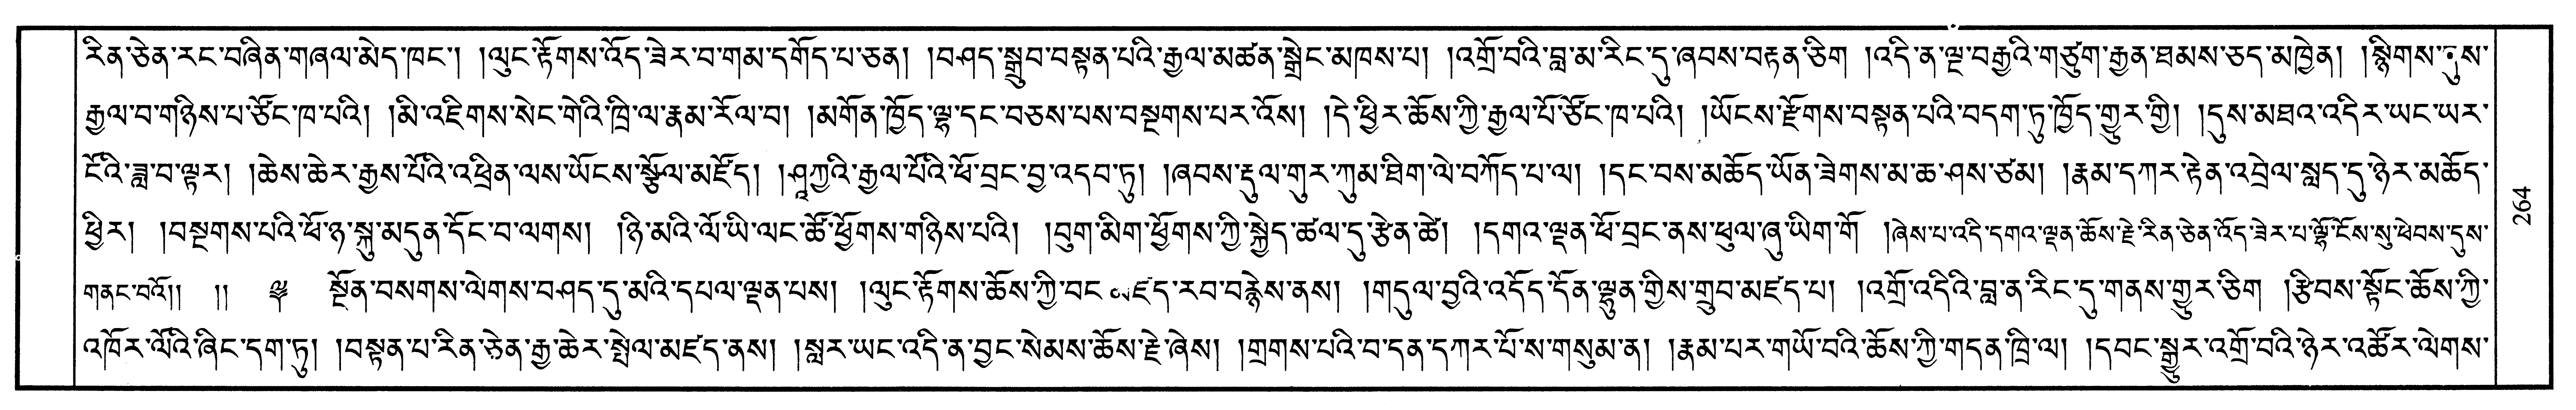རིན་ཅེན་རང་བཞིན་གཞལ་མེད་ཁང་། །ལུང་རྟོགས་འོད་ཟེར་བ་གམ་དགོད་པ་ཅན། །བཤད་སྒྲུབ་བསྟན་པའི་རྒྱལ་མཚན་སྒྲེང་མཁས་པ། །འགྲོ་བའི་བླ་མ་རིང་དུ་ཞབས་བརྟན་ཅིག །འདི་ན་ལྔ་བརྒྱའི་གཙུག་རྒྱན་ཐམས་ཅད་མཁྱེན། །སྙིགས་དུས་
རྒྱལ་བ་གཉིས་པ་ཙོང་ཁ་པའི། །མི་འཇིགས་སེང་གེའི་ཁྲི་ལ་རྣམ་རོལ་བ། །མགོན་ཁྱོད་ལྷ་དང་བཅས་པས་བསྔགས་པར་འོས། །དེ་ཕྱིར་ཆོས་ཀྱི་རྒྱལ་པོ་ཙོང་ཁ་པའི། །ཡོངས་རྫོགས་བསྟན་པའི་བདག་ཏུ་ཁྱོད་གྱུར་གྱི། །དུས་མཐའ་འདིར་ཡང་ཡར་
ངོའི་ཟླ་བ་ལྟར། །ཆེས་ཆེར་རྒྱས་པོའི་འཕྲིན་ལས་ཡོངས་སྩོལ་མཛོད། །ཤཱཀྱའི་རྒྱལ་པོའི་ཕོ་བྲང་བྱ་འདབ་ཏུ། །ཞབས་རྡུལ་གུར་ཀུམ་ཐིག་ལེ་བཀོད་པ་ལ། །དང་བས་མཆོད་ཡོན་ཟེགས་མ་ཆ་ཤས་ཙམ། །རྣམ་དཀར་རྟེན་འབྲེལ་སླད་དུ་ཉེར་མཆོད་
ཕྱིར། །བསྔགས་པའི་ཕོ་ཉ་སྐུ་མདུན་དོང་བ་ལགས། །ཉི་མའི་ལོ་ཡི་ལང་ཚོ་ཕྱོགས་གཉིས་པའི། །བུག་མིག་ཕྱོགས་ཀྱི་སྐྱེད་ཚལ་དུ་རྩེན་ཚེ། །དགའ་ལྡན་ཕོ་བྲང་ནས་ཕུལ་ཞུ་ཡིག་གོ །ཞེས་པ་འདི་དགའ་ལྡན་ཆོས་རྗེ་རིན་ཅེན་འོད་ཟེར་པ་ལྷོ་ངོས་སུ་ཕེབས་དུས་
གནང་བའོ།། །། ༈ སྔོན་བསགས་ལེགས་བཤད་དུ་མའི་དཔལ་ལྡན་པས། །ལུང་རྟོགས་ཆོས་ཀྱི་བང་མཛད་རབ་བརྙེས་ནས། །གདུལ་བྱའི་འདོད་དོན་ལྷུན་གྱིས་གྲུབ་མཛད་པ། །འགྲོ་འདིའི་བླ་ན་རིང་དུ་གནས་གྱུར་ཅིག །རྩིབས་སྟོང་ཆོས་ཀྱི་
འཁོར་ལོའི་ཞིང་དག་ཏུ། །བསྟན་པ་རིན་ཅེན་རྒྱ་ཆེར་སྤེལ་མཛད་ནས། །སླར་ཡང་འདི་ན་བྱང་སེམས་ཆོས་རྗེ་ཞེས། །གྲགས་པའི་བ་དན་དཀར་པོ་ས་གསུམ་ན། །རྣམ་པར་གཡོ་བའི་ཆོས་ཀྱི་གདན་ཁྲི་ལ། །དབང་སྒྱུར་འགྲོ་བའི་ཉེར་འཚོར་ལེགས་